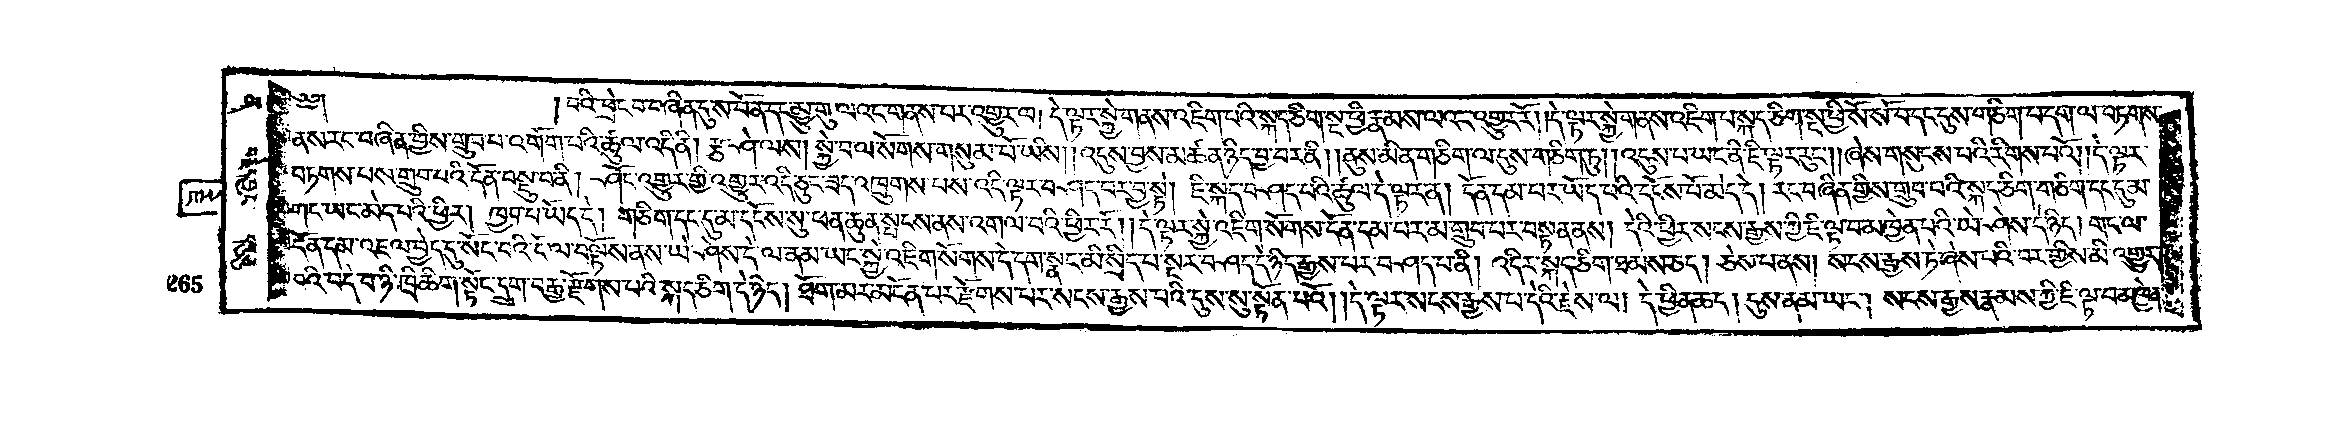༄༅། །བའི་ཕྲེང་བ་བཞིན་དུ་ས་བོན་དང་མྱུ་གུ་ལའང་གནས་པར་འགྱུར་ལ། དེ་ལྟར་སྐྱེ་གནས་འཇིག་པའི་སྐད་ཅིག་སྔ་ཕྱི་རྣམས་ལའང་འགྱུར་རོ། །དེ་ལྟར་སྐྱེ་གནས་འཇིག་པ་སྐད་ཅིག་སྔ་ཕྱི་སོ་སོ་བ་དང་དུས་གཅིག་པ་དག་ལ་བཏགས་
ནས་རང་བཞིན་གྱིས་གྲུབ་པ་འགོག་པའི་ཚུལ་འདི་ནི། རྩ་ཤེ་ལས། སྐྱེ་བ་ལ་སོགས་གསུམ་པོ་ཡིས། །འདུས་བྱས་མཚན་ཉིད་བྱ་བར་ནི། །ནུས་མིན་གཅིག་ལ་དུས་གཅིག་ཏུ། །འདུས་པ་ཡང་ནི་ཇི་ལྟར་རུང་། །ཞེས་གསུངས་པའི་རིགས་པའོ། །དེ་ལྟར་
བཏགས་པས་གྲུབ་པའི་དོན་བསྡུ་བ་ནི། ཤོད་འགྱུར་གྱི་འགྱུར་འདི་ཅུང་ཟད་འཁྲུགས་པས་འདི་ལྟར་བཤད་པར་བྱ་སྟེ། ཇི་སྐད་བཤད་པའི་ཚུལ་དེ་ལྟར་ན། དོན་དམ་པར་ཡོད་པའི་དངོས་པོ་མེད་དེ། རང་བཞིན་གྱིས་གྲུབ་པའི་སྐད་ཅིག་གཅིག་དང་དུ་མ་
གང་ཡང་མེད་པའི་ཕྱིར། ཁྱབ་པ་ཡོད་དེ། གཅིག་དང་དུ་མ་དངོས་སུ་ཕན་ཚུན་སྤངས་ནས་འགལ་བའི་ཕྱིར་རོ། །དེ་ལྟར་སྐྱེ་འཇིག་སོགས་དོན་དམ་པར་མ་གྲུབ་པར་བསྟན་ནས། དེའི་ཕྱིར་སངས་རྒྱས་ཀྱི་ཇི་ལྟ་བ་མཁྱེན་པའི་ཡེ་ཤེས་དེ་ཉིད། གང་ལ་
དོན་དམ་འཇལ་བྱེད་དུ་སོང་བའི་ངོ་ལ་བལྟོས་ནས་ཡེ་ཤེས་དེ་ལ་ནམ་ཡང་སྐྱེ་འཇིག་སོགས་དེ་དག་སྣང་མི་སྲིད་པ་སྔར་བཤད་དེ་ཉིད་རྒྱས་པར་བཤད་པ་ནི། འདིར་སྐད་ཅིག་ཐམས་ཅད། ཅེས་པ་ནས། སངས་རྒྱས་ཏེ་ཞེས་པའི་བར་གྱིས་མི་འགྱུར་
བའི་བདེ་བ་ཉི་ཁྲི་ཆིག་སྟོང་དྲུག་བརྒྱ་རྫོགས་པའི་སྐད་ཅིག་དེ་ཉིད། ཐོག་མར་མངོན་པར་རྫོགས་པར་སངས་རྒྱས་པའི་དུས་སུ་སྟོན་པའོ། །དེ་ལྟར་སངས་རྒྱས་པ་དེའི་རྗེས་ལ། དེ་ཕྱིན་ཆད། དུས་ནམ་ཡང་། སངས་རྒྱས་རྣམས་ཀྱི་ཇི་ལྟ་བ་མཁྱེན་